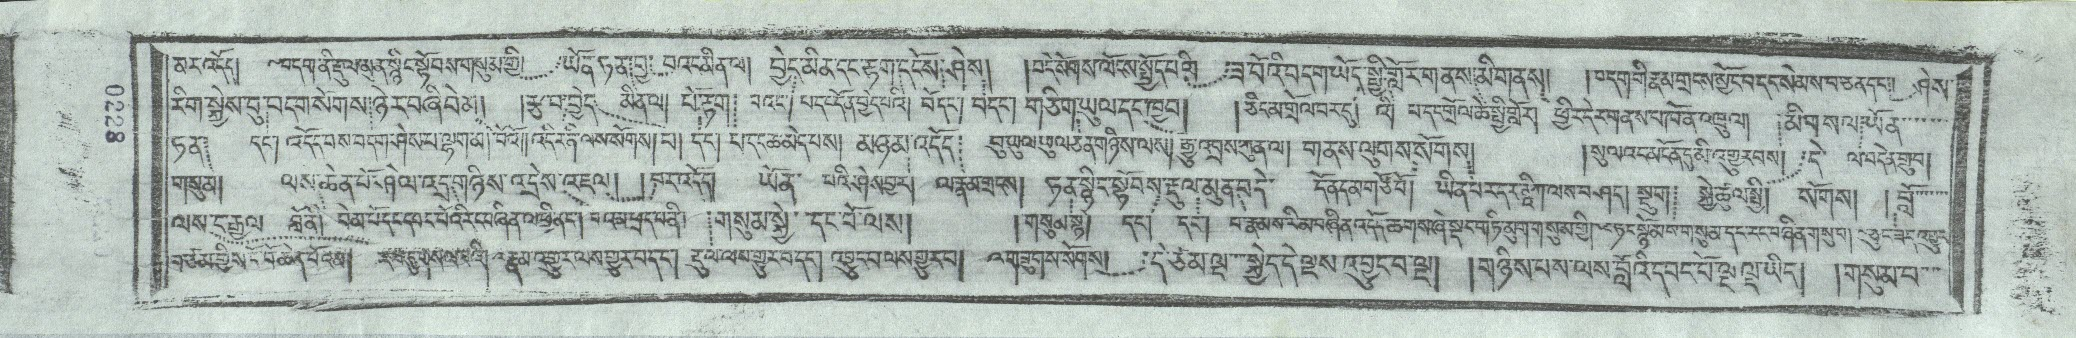མར་འདོད། ༧་བདག་ནི་རྡུལ་མུན་སྙིང་སྟོབས་གསུམ་གྱི། ཡོན་ཏན་བྱ་བའང་མནལ། །བྱེད་མིན་དང་རྟག་དངོས་ཤེས། །བདེ་སོགས་ལོངས་སྤྱོད་པའི། །ཟ་བའི་བདག་ཡོད་སྤྱི་གློར་གནས་མི་གནས། །བདག་གི་རྣམ་གྲངས་མྱོང་བ་དང་སེམས་བ་ཅན་དང་། ཤེས་
རིག་སྐྱེས་བུ་བདག་སོགས་ཉེར་བཞི་བེམ། །རྩ་བ་བྱེད་མིན་ལ། པོ་རྟག་བའང་། པ་དང་དོན་བྱེད་པའི། བོ་དང་། བ་དང་། གཅིག་ཡུལ་དང་ཁྱབ། །ཅིང་མ་གྲོལ་བར་དུ། འི། པ་དང་གྲོལ་ཆེ་སྤྱི་གློར། ཕྱིར་དེར་གནས་པ་ཁོན་འཁྲུལ། མི་གསལ་ཡོ་ཅ་
ཏན། དང་། འདོད་བས་བདག་ཤེས་པ་ལྷག་མ། པོའོ། །འདིར་ནི་ལས་སོགས། པ། དང་། པ་དང་ཆེ་མེད་པས། མཉམ་འདོད་བུ་ཡུལ་ཡུལ་ཅན་གཉིས་ལས། རྒྱུ་འབྲས་ཀུན་ལ། གནས་ལུགས་སོག། །སུལ་འང་མངོན་དུ་མི་འགྱུར་བས། དེ་ཨ་བདེན་གྲུབ་
གསུམ། ལས་ཆེན་པོ་ཤེལ་འདྲ་གཉིས་འདྲེས་འཇལ། །བར་འདོད། ཡོན་བའི་ཤེས་བྱར། ལ་རྣམ་གྲངས། ཏན་སྙིང་སྟོབས་རྡུལ་མུན་བདེ་དོན་དམ་གཙོ་བོ། ཡིན་པར་དར་ཊཱིཀ་ལས་བཤད། སྡུག་སྐྱེ་ཚུལ་སྦྱི། སོགས། །བློ་
ལས་ང་རྒྱལ་བློ་ནི། བེམ་པོ་དང་དབང་པོའི་རང་བཞིན་ལ་གྱི་ནང་། བའམ་ཕྲད་པ་ནི། །གསུམ་སྐྱེ་དང་བོ་ལས། །གསུམ་སྟེ། དང་དང་། བ་རྣམས་རིམ་བཞིན་འདོད་ཆགས་ཞེ་སྡང་གཏི་མུག་གསུམ་གྱི། བཏང་སྙོམས་གསུམ་གྱི། བཏང་སྙོམས་གསུམ་དང་རང་བཞིན་གསུམ་བཅུ་ཟད་འཇུར?
བཙམ་གྱིས་ངོ་བོ་ཆེན་པོའམ། རབ་ཏུ་གསལ་བའི། བརྣམ་འགྱུར་ལས་གྱུར་པ་དང་། རྡུལ་ལས་གྱུར་བ་དང་། འབྱུང་བ་ལས་གྱུར་བ། ༢་གཟུགས་སོ། །དེ་ཙམ་ལྔ་སྐྱེད་དེ་ལྔས་འབྱུང་བ་ལྔ། །གཉིས་པས་ལས་བློའི་དབང་པོ་ལྔ་ལྔ་ཡིད། །གསུམ་